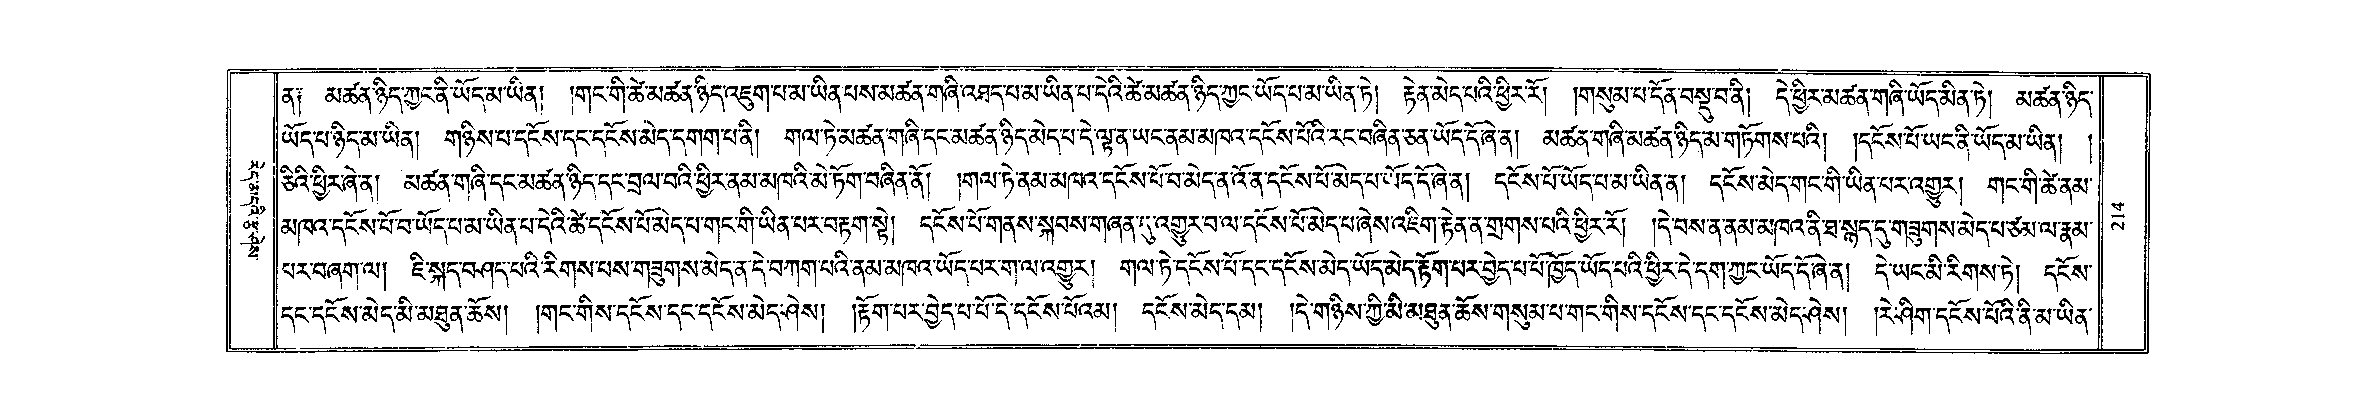ན༑ མཚན་ཉིད་ཀྱང་ནི་ཡོད་མ་ཡིན། །གང་གི་ཚེ་མཚན་ཉིད་འཇུག་པ་མ་ཡིན་པས་མཚན་གཞི་འཐད་པ་མ་ཡིན་པ་དེའི་ཚེ་མཚན་ཉིད་ཀྱང་ཡོད་པ་མ་ཡིན་ཏེ། རྟེན་མེད་པའི་ཕྱིར་རོ། །གསུམ་པ་དོན་བསྡུ་བ་ནི། དེ་ཕྱིར་མཚན་གཞི་ཡོད་མིན་ཏེ། མཚན་ཉིད་
ཡོད་པ་ཉིད་མ་ཡིན། གཉིས་པ་དངོས་དང་དངོས་མེད་དགག་པ་ནི། གལ་ཏེ་མཚན་གཞི་དང་མཚན་ཉིད་མེད་པ་དེ་ལྟ་ན་ཡང་ནམ་མཁའ་དངོས་པོའི་རང་བཞིན་ཅན་ཡོད་དོ་ཞེ་ན། མཚན་གཞི་མཚན་ཉིད་མ་གཏོགས་པའི། །དངོས་པོ་ཡང་ནི་ཡོད་མ་ཡིན། །
ཅིའི་ཕྱིར་ཞེ་ན། མཚན་གཞི་དང་མཚན་ཉིད་དང་བྲལ་བའི་ཕྱིར་ནམ་མཁའི་མེ་ཏོག་བཞིན་ནོ། །གལ་ཏེ་ནམ་མཁའ་དངོས་པོ་བ་མེད་ན་འོ་ན་དངོས་པོ་མེད་པ་ཡོད་དོ་ཞེ་ན། དངོས་པོ་ཡོད་པ་མ་ཡིན་ན། དངོས་མེད་གང་གི་ཡིན་པར་འགྱུར། གང་གི་ཚེ་ནམ་
མཁའ་དངོས་པོ་བ་ཡོད་པ་མ་ཡིན་པ་དེའི་ཚེ་དངོས་པོ་མེད་པ་གང་གི་ཡིན་པར་བརྟག་སྟེ། དངོས་པོ་གནས་སྐབས་གཞན་དུ་འགྱུར་བ་ལ་དངོས་པོ་མེད་པ་ཞེས་འཇིག་རྟེན་ན་གྲགས་པའི་ཕྱིར་རོ། །དེ་བས་ན་ནམ་མཁའ་ནི་ཐ་སྙད་དུ་གཟུགས་མེད་པ་ཙམ་ལ་རྣམ་
པར་བཞག་ལ། ཇི་སྐད་བཤད་པའི་རིགས་པས་གཟུགས་མེད་ན་དེ་བཀག་པའི་ནམ་མཁའ་ཡོད་པར་ག་ལ་འགྱུར། གལ་ཏེ་དངོས་པོ་དང་དངོས་མེད་ཡོད་མེད་རྟོག་པར་བྱེད་པ་པོ་ཁྱོད་ཡོད་པའི་ཕྱིར་དེ་དག་ཀྱང་ཡོད་དོ་ཞེ་ན། དེ་ཡང་མི་རིགས་ཏེ། དངོས་
དང་དངོས་མེད་མི་མཐུན་ཆོས། །གང་གིས་དངོས་དང་དངོས་མེད་ཤེས། །རྟོག་པར་བྱེད་པ་པོ་དེ་དངོས་པོའམ། དངོས་མེད་དམ། །དེ་གཉིས་ཀྱི་མི་མཐུན་ཆོས་གསུམ་པ་གང་གིས་དངོས་དང་དངོས་མེད་ཤེས། །རེ་ཤིག་དངོས་པོའི་ནི་མ་ཡིན་